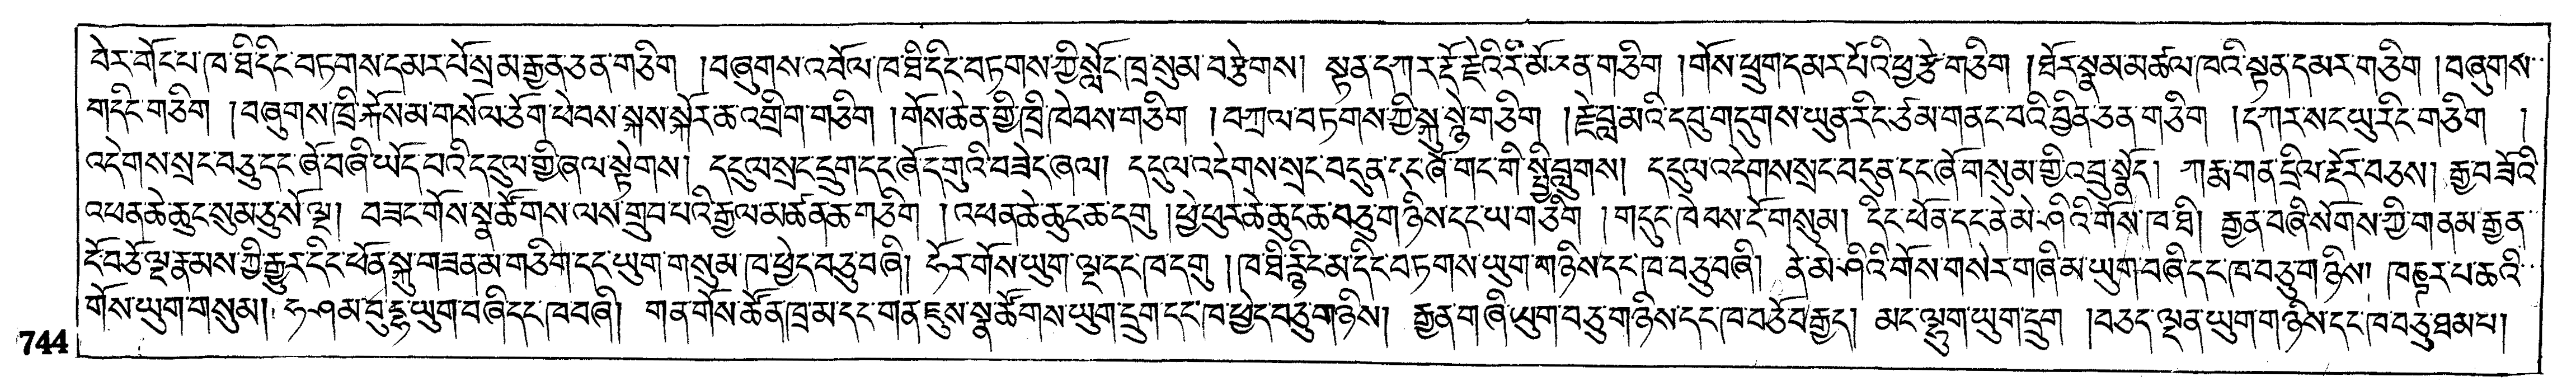བེར་གོང་བ་ཁ་ཐི་དིང་བཏགས་དམར་པོ་སྲམ་རྒྱན་ཅན་གཅིག །བཞུགས་འབོལ་ཁ་ཐི་དིང་བཏགས་ཀྱི་སློང་ཁྲ་སུམ་བརྩེགས། སྟན་དཀར་རྡོ་རྗེའི་རི་མོ་ཅན་གཅིག །གོས་ཕྲུག་དམར་པོའི་ཕྱ་རྩེ་གཅིག །ཐོར་སྣམ་མཚལ་ཁའི་སྟན་དམར་གཅིག །བཞུགས་
གདིང་གཅིག །བཞུགས་ཁྲི་རྐོས་མ་གསོལ་ཅོག་ཕེབས་སྐས་སྐོར་ཆ་འགྲིག་གཅིག །གོས་ཆེན་གྱི་ཁི་ཁེབས་གཅིག །བཀྲལ་བཏགས་ཀྱི་སྐུ་སྙེ་གཅིག །རྗེ་བླ་མའི་དབུ་གདུགས་ཡུན་རིང་ཙམ་གནད་པའི་བྱིན་ཅན་གཅིག །དཀར་སང་ཡུ་རིང་གཅིག །
འདེགས་སྲང་བཅུ་དང་ཞོ་བཞི་ཡོད་པའི་དངུལ་གྱི་ཞལ་སྟེགས། དངུལ་སྲང་དྲུག་དང་ཞོ་དགུའི་བཟེད་ཞལ། དངུལ་འདེགས་སྲང་བདུན་དང་ཞོ་གང་གི་སྦྱི་བླུགས། དངུལ་འདེགས་སྲང་བདུན་དང་ཞོ་གསུམ་གྱི་འབྲུ་སྣོད། ཀརྨ་གན་དྲིལ་རྡོར་བཅས། རྒྱ་བཟོའི་
འཕན་ཆེ་ཆུང་སུམ་ཅུ་སོ་ལྔ། བཟང་གོས་སྣ་ཚོགས་ལས་གྲུབ་བའི་རྒྱལ་མཚན་ཆ་གཅིག །འཕགས་ཆེ་ཆུང་ཆ་དགུ །ཕྱེ་ཕུར་ཆེ་ཆུང་ཆ་བཅུ་གཉིས་དང་ཡ་གཅིག །གདུང་ཁེབས་ངོ་གསུམ། དིང་བོན་དང་ནེ་མེ་ཤིའི་གོས་ཁ་ཐི། རྒྱན་བཞི་སོགས་ཀྱི་གནམ་རྒྱན་
ངོ་བཅོ་ལྔ་རྣམས་ཀྱི་རྒྱུར་དིང་ཕོན་སྐུ་གཟན་མ་གཅིག་དང་ཡུག་གསུམ་ཁ་ཕྱེད་བཅུ་བཞི། ཧོར་གོས་ཡུག་ལྔ་དང་ཁ་དགུ །ཁ་ཐི་རྙིང་མ་དིང་བཏགས་ཡུག་གཉིས་དང་ཁ་བཅུ་བཞི། ནེ་མེ་ཤིའི་གོས་གསེར་གཞི་མ་ཡུག་བཞི་དང་ཁ་བཅུ་གཉིས། ཁཎྜར་བ་ཆའི་
གོས་ཡུག་གསུམ། ཧ་ཤམ་བུ་དྷ་ཡུག་བཞི་དང་ཁ་བཞི། གན་གོས་ཚོན་ཁྲ་མ་དང་གན་ཇུས་སྣ་ཚོགས་ཡུག་དྲུག་དང་ཁ་ཕྱེད་བཅུ་གཉིས། རྒྱན་གཞི་ཡུག་བཅུ་གཉིས་དང་ཁ་བཅོ་བརྒྱད། མང་ལྷུག་ཡུག་དྲུག །བཅད་ལྡན་ཡུག་གཉིས་དང་ཁ་བཅུ་ཐམ་བ།